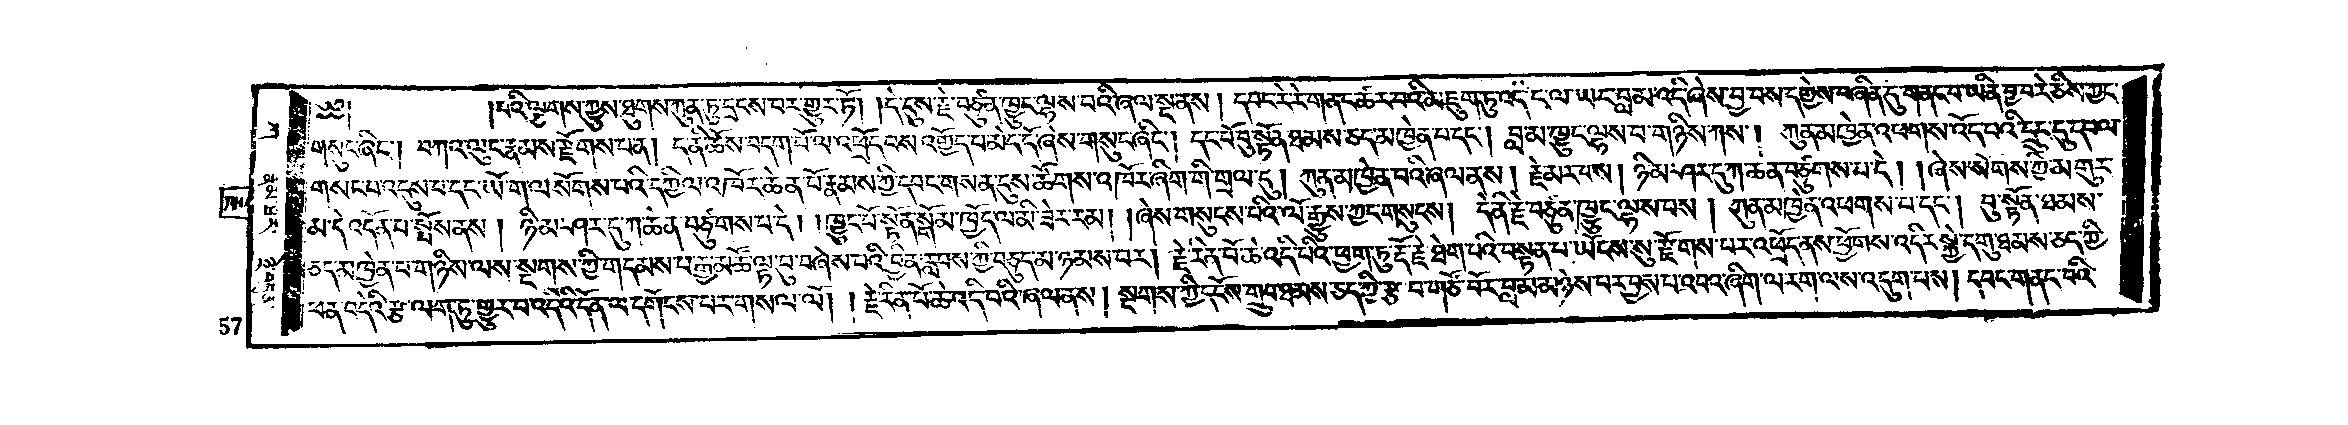༄༅། །པའི་ལྕགས་ཀྱུས་ཐུགས་ཀུན་ཏུ་དྲངས་པར་གྱུར་ཏོ། །དེ་དུས་རྗེ་བཙུན་ཁྱུང་ལྷས་པའི་ཞལ་སྔ་ནས། དབང་རེ་རེ་གནང་ཚར་བའི་མཇུག་ཏུ་འདི་ང་ལ་ཡང་བླ་མ་འདི་ཞེས་བྱ་བས་དགྱེས་བཞིན་དུ་གནང་བ་ཡིན་བྱ་བ་རེ་ཅིས་ཀྱང་
གསུང་ཞིང་། བཀའ་ལུང་རྣམས་རྫོགས་པ་ན། ད་ནི་ཆོས་བདག་པོ་ལ་འཕྲོད་པས་འགྱོད་པ་མེད་དོ་ཞེས་གསུང་ཞིང་། དང་པོ་བུ་སྟོན་ཐམས་ཅད་མཁྱེན་པ་དང་། བླ་མ་ཁྱུང་ལྷས་པ་གཉིས་ཀས། ཀུན་མཁྱེན་འཕགས་འོད་པའི་དྲུང་དུ་དཔལ་
གསང་བ་འདུས་པ་དང་ཡོ་ག་ལ་སོགས་པའི་དཀྱིལ་འཁོར་ཆེན་པོ་རྣམས་ཀྱི་དབང་གསན་དུས་ཚོགས་འཁོར་ཞིག་གི་གྲལ་དུ། ཀུན་མཁྱེན་པའི་ཞལ་ནས། རྗེ་མར་པས། ཉི་མ་ཤར་དུ་ཀ་ཆན་བཙུགས་པ་དེ། །ཞེས་སོགས་ཀྱི་མགུར་
མ་དེ་འདོན་པ་སྤོས་ནས། ཉི་མ་ཤར་དུ་ཀ་ཆེན་བཙུགས་པ་དེ། །ཁྱུང་པོ་སྟོན་སྒོམ་ཁྱོད་ལ་མི་ཟེར་རམ། །ཞེས་གསུངས་པའི་ལོ་རྒྱུས་ཀྱང་གསུངས། དེ་ནི་རྗེ་བཙུན་ཁྱུང་ལྷས་པས། ཀུན་མཁྱེན་འཕགས་པ་དང་། བུ་སྟོན་ཐམས་
ཅད་མཁྱེན་པ་གཉིས་ལས་སྔགས་ཀྱི་གདམས་པ་རྒྱ་མཚོ་ལྟ་བུ་བཞེས་པའི་བྱིན་རླབས་ཀྱི་བཅུད་མ་ཉམས་པར། རྗེ་རིན་པོ་ཆེ་འདི་པའི་ཕྱག་ཏུ་རྡོ་རྗེ་ཐེག་པའི་བསྟན་པ་ཡོངས་སུ་རྫོགས་པར་འཕྲོད་ནས་ཕྱོགས་འདིར་སྐྱེ་དགུ་ཐམས་ཅད་ཀྱི་
ཕན་བདེའི་རྩ་ལག་ཏུ་གྱུར་པ་འདིའི་དོན་ལ་དགོངས་པར་གསལ་ལོ། །རྗེ་རིན་པོ་ཆེ་འདི་བའི་ཞལ་ནས། སྔགས་ཀྱི་དངོས་གྲུབ་ཐམས་ཅད་ཀྱི་རྩ་བ་གཙོ་བོར་བླ་མ་མཉེས་པར་བྱས་པ་འབའ་ཞིག་ལ་རག་ལས་འདུག་པས། དབང་གནང་བའི་